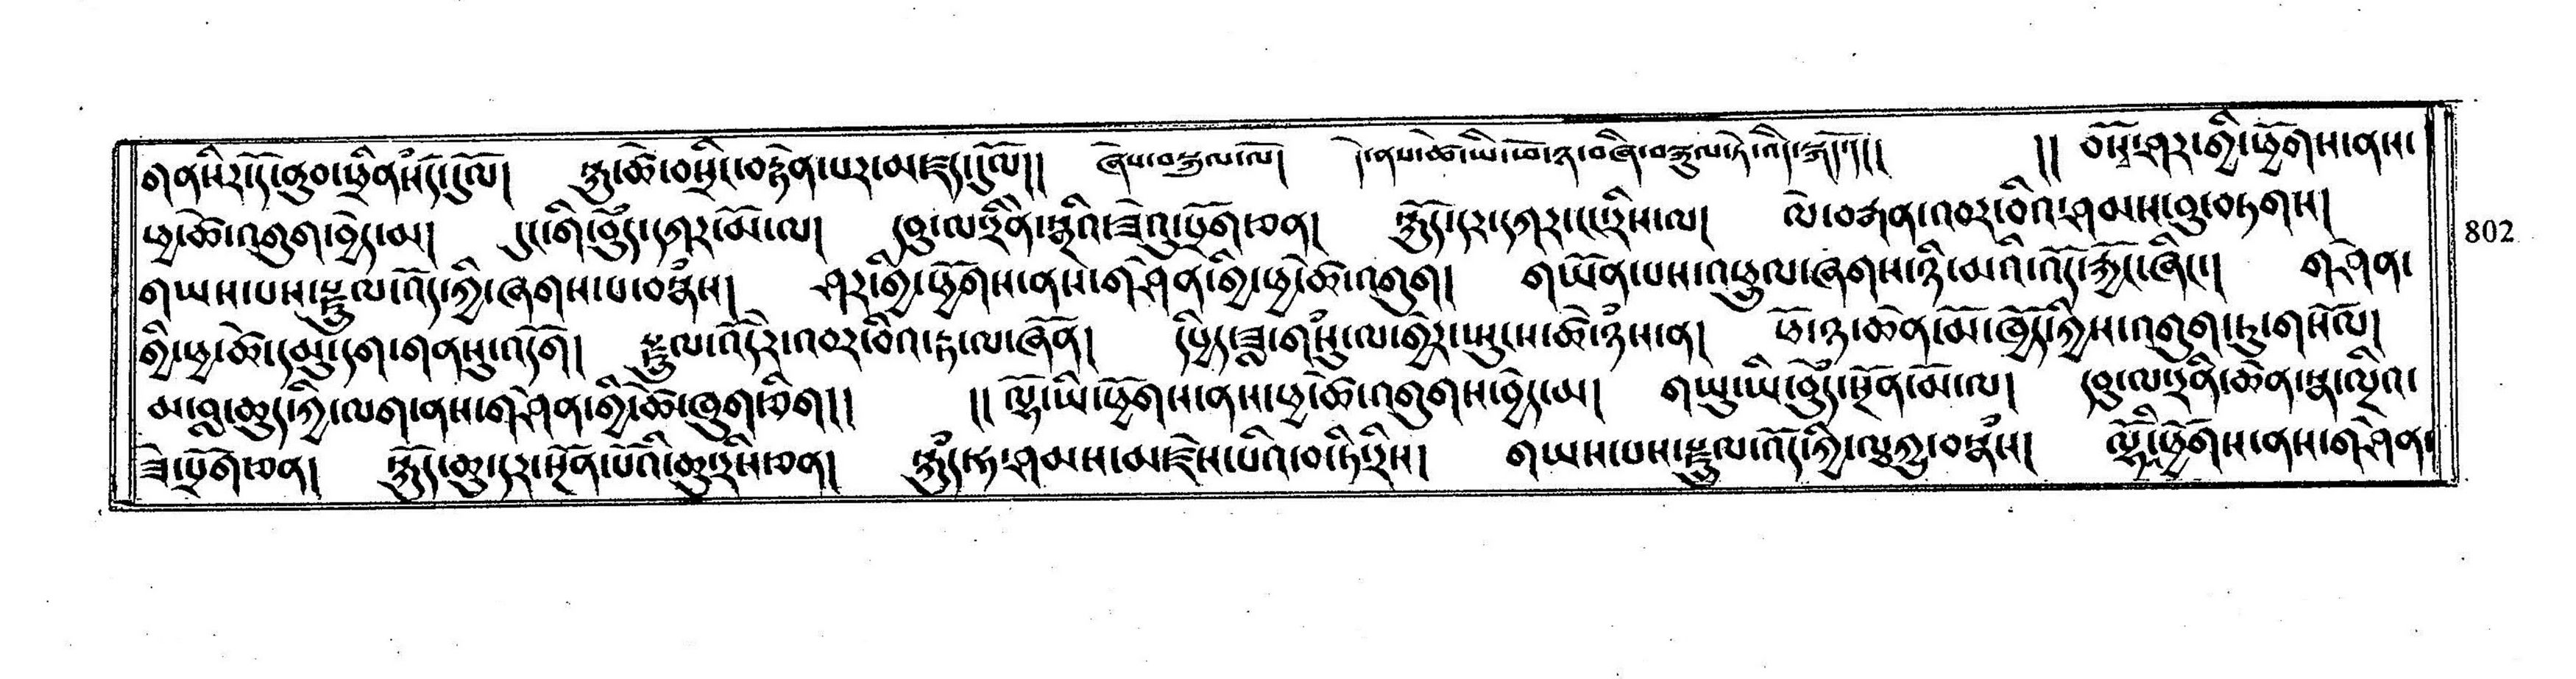གནས་འདིར་དོ་ནུབ་ཕྲིན་ལས་མཛད་དུ་གསོལ།། སྐུ་ཚེ་བསྲིང་ཞིང་བརྟེན་པར་མཛད་དུ་གསོལ།། ཞེས་བསྐུལ་ལོ། དེ་ནས་ཚེ་ཡི་ཕོ་ཉ་བཞི་བསྐུལ་ཏེ་འདི་སྐད་དོ།། །།བསྭོ་ཤར་གྱི་ཕྱོགས་ནས་
ཕྱ་ཚེ་འགུག་བྱེད་མ། དུང་གི་བུད་མེད་དཀར་མོ་ལ། དབུ་ལ་རིན་ཆེན་སྣ་ལྔའི་ཟེའུ་སྲོག་ཅན། སྐུ་སྟོད་དར་དཀར་ངང་རིས་ལ། ལེ་བརྒན་འབར་བའི་ཤམས་བུ་བཏགས། 
གཡས་པས་རྫུ་འཕྲུལ་འོད་ཀྱི་ཞགས་པ་བསྣམས། ཤར་གྱི་ཕྱོགས་ནས་གཤེན་གྱི་ཕྱ་ཚེ་འགུག གཡོན་པས་འཕྲུལ་ཞགས་ཉི་མའི་འོད་རྐྱོང་ཞིང་། གཤེན་
གྱི་ཕྱ་ཚེ་དམུ་དག་གནས་སུ་འདོག རྫུ་འཕྲུལ་འོད་ཟེར་འབར་བའི་རྟ་ལ་ཞོན། དཔྱིད་ཟླ་གསུམ་ལ་གྱེར་སྤུངས་ཚེ་ཉམས་ན། ཕོ་ཉ་ཆེན་མོ་ཁྱོད་ཀྱིས་འགུག་ཏུ་གསོལ། 
མ་བླ་ཆུད་ཀྱི་ལག་ནས་གཤེན་གྱི་ཚེ་ཁུག་ཅིག །ལྷོ་ཡི་ཕྱོགས་ནས་ཕྱ་ཚེ་འགུགས་བྱེད་མ། གཡུ་ཡི་བུད་མེད་སྔོན་མོ་ལ། དབུ་ལ་རིན་ཆེན་སྣ་ལྔའི་
ཟེ་སྲོག་ཅན། སྐུ་སྟོད་ཆུ་དར་སྔོན་པོའི་ཆུ་རིས་ཅན། སྐུ་སྨད་ཧ་ཤམས་མཛེས་པའི་བ་ཏི་རིས། གཡས་པས་རྫུ་འཕྲུལ་འོད་ཀྱི་ལྕག་ཀྱུ་བསྣམས། ལྷོའི་ཕྱོགས་ནས་གཤེན་